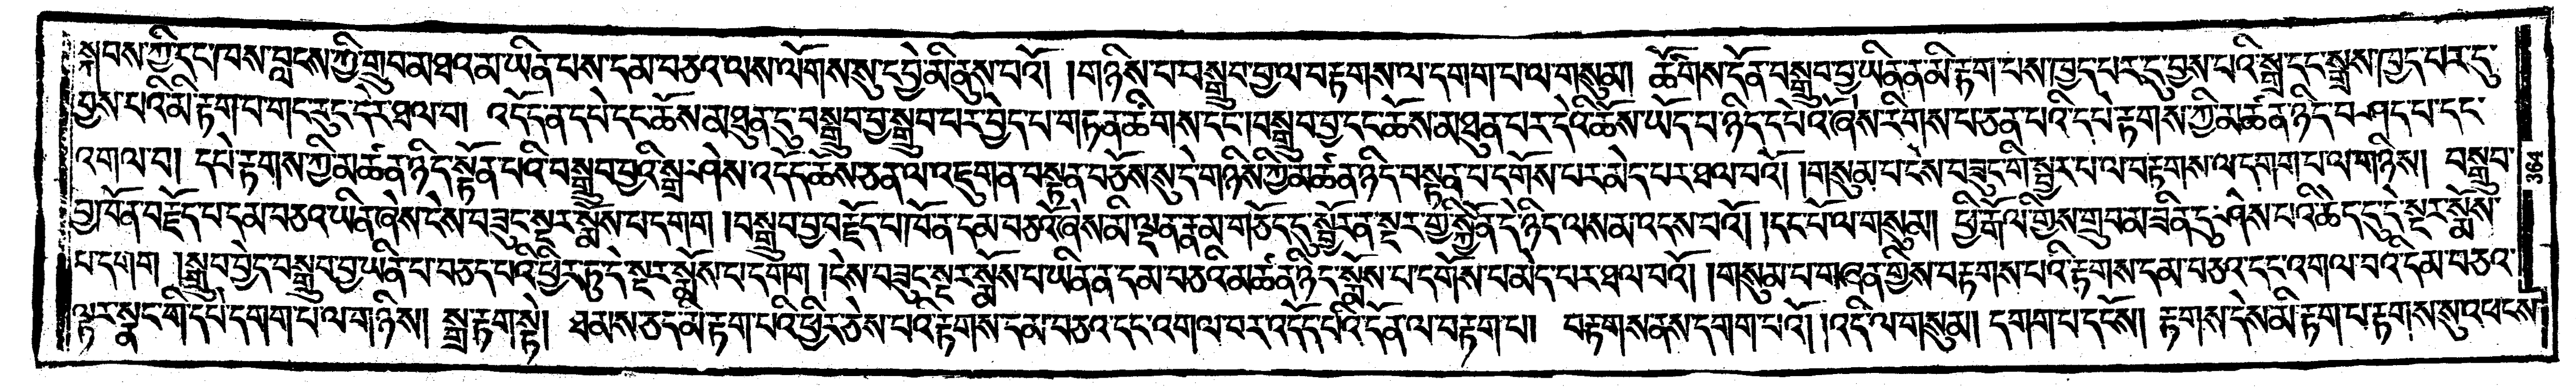སྐབས་ཀྱི་དང་ཁས་བླངས་ཀྱི་གྲུབ་མཐའ་མ་ཡིན་པས་དམ་བཅའ་ལས་ལོགས་སུ་དབྱེ་མི་ནུས་པའོ། །གཉིས་པ་བསྒྲུབ་བྱ་ལ་བརྟགས་ལ་དགག་པ་ལ་གསུམ། ཚོགས་དོན་བསྒྲུབ་བྱ་ཡིན་ན་མི་རྟགས་པས་ཁྱད་པར་དུ་བྱས་པའི་སྒྲ་དང་སྒྲས་ཁྱད་པར་དུ་
བྱས་པའི་མི་རྟག་པ་གང་རུང་དེར་ཐལ་བ། འདོད་ན་དཔེ་དང་ཆོས་མཐུན་དུ་བསྒྲུབ་བྱ་སྒྲུབ་པར་བྱེད་པ་གཏན་ཚིགས་དང་། བསྒྲུབ་བྱ་དང་ཆོས་མཐུན་པར་དེའི་ཆོས་ཡོད་པ་ཉིད་དཔེའོ་ཞེས་རིགས་པ་ཅན་པའི་དཔེ་རྟགས་ཀྱི་མཚན་ཉིད་བཤད་པ་དང་
འགལ་བ། དཔེ་རྟགས་ཀྱི་མཚན་ཉིད་སྟོན་པའི་བསྒྲུབ་བྱའི་སྒྲ་ཤེས་འདོད་ཆོས་ཅན་ལ་འཇུག་ན་བསྟན་བཅོས་སུ་དེ་གཉིས་ཀྱི་མཚན་ཉིད་བསྟན་པ་དགོས་པར་མེད་པར་ཐལ་བའོ། །གསུམ་པ་ངེས་བཟུང་གི་སྦྱར་པ་ལ་བརྟགས་ལ་དགག་པ་ལ་གཉིས། བསྒྲུབ་
བྱ་ཁོ་ན་བརྗོད་པ་དམ་བཅའ་ཡིན་ཞེས་ངེས་བཟུང་སྔར་སྨོས་པ་དགག །བསྒྲུབ་བྱ་བརྗོད་པ་ཁོ་ན་དམ་བཅའོ་ཞེས་མི་ལྡན་རྣམ་གཅོད་དུ་སྦྱོར་ན་སྔར་གྱི་སྐྱོན་དེ་ཉིད་ལས་མ་འདས་པའོ། །དང་པོ་ལ་གསུམ། ཕྱི་རྒོལ་གྱིས་གྲུབ་མ་ཟིན་དུ་ཤེས་པའི་ཆེད་དུ་དེ་སྔར་སྨོས་
པ་དགག །སྒྲུབ་བྱེད་བསྒྲུབ་བྱ་ཡིན་པ་བཅད་པའི་ཕྱིར་ཏུ་དེ་སྔར་སྨོས་པ་དགག །ངེས་བཟུང་སྔར་སྨོས་པ་ཡིན་ན་དམ་བཅའི་མཚན་ཉིད་སྨོས་པ་དགོས་པ་མེད་པར་ཐལ་བའོ། །གསུམ་པ་གཞན་གྱིས་བརྟགས་པའི་རྟགས་དམ་བཅའ་དང་འགལ་བའི་དམ་བཅའ་
ལྟར་སྣང་གི་དཔེ་དགག་པ་ལ་གཉིས། སྒྲ་རྟག་སྟེ། ཐམས་ཅད་མི་རྟག་པའི་ཕྱིར་ཅེས་པའི་རྟགས་དམ་བཅའ་དང་འགལ་བར་འདོད་པའི་དོན་ལ་བརྟག་པ། བརྟགས་ནས་དགག་པའོ། །འདི་ལ་གསུམ། དགག་པ་སྡྔོས། རྟགས་དེས་མི་རྟག་པ་རྟགས་སུ་འཕངས་